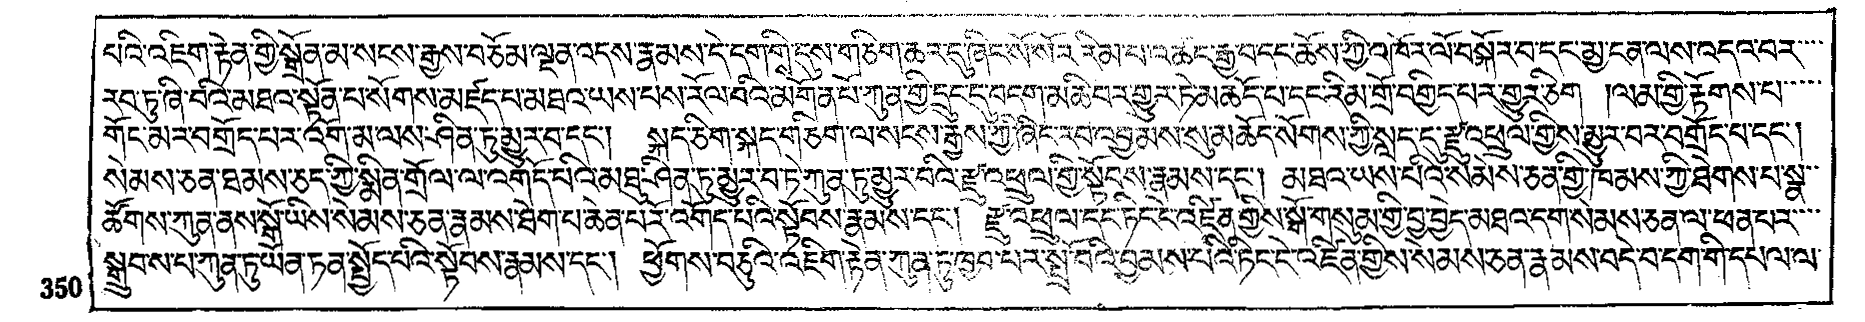པའི་འཇིག་རྟེན་གྱི་སྒྲོན་མ་སངས་རྒྱས་བཅོམ་ལྡན་འདས་རྣམས་དེ་དག་གིས་དུས་གཅིག་ཆར་དུ་ཞིང་སོ་སོར་རིམ་པ་འཚང་རྒྱ་བ་དང་ཆོས་ཀྱི་འཁོར་ལོ་བསྐོར་བ་དང་མྱ་ངན་ལས་འདའ་བར་
རབ་ཏུ་ཞི་བའི་མཐའ་སྟོན་པ་སོགས་མཛད་པ་མཐའ་ཡས་པས་རོལ་བའི་མགོན་པོ་ཀུན་གྱི་དྲུང་དུ་བདག་མཆི་བར་གྱུར་ཏེ་མཆོད་པ་དང་རིམ་གྲོ་བགྱིད་པར་གྱུར་ཅིག །ལམ་གྱི་རྟོགས་པ་
གོང་མར་བགྲོད་པར་འོག་མ་ལས་ཤིན་ཏུ་མྱུར་བ་དང་། སྐད་ཅིག་སྐད་གཅིག་ལ་སངས་རྒྱས་ཀྱི་ཞིང་རབ་འབྱམས་སུ་མཆོད་སོགས་ཀྱི་སླད་དུ་རྫུ་འཕྲུལ་གྱིས་མྱུར་བར་བགྲོད་པ་དང་།
སེམས་ཅན་ཐམས་ཅད་ཀྱི་སྨིན་གྲོལ་ལ་འགོད་པའི་མཐུ་ཤིན་ཏུ་མྱུར་བ་ཏེ་ཀུན་ཏུ་མྱུར་བའི་རྫུ་འཕྲུལ་གྱི་སྟོབས་རྣམས་དང་། མཐའ་ཡས་པའི་སེམས་ཅན་གྱི་ཁམས་ཀྱི་ཐེགས་པ་སྣ་
ཚོགས་ཀུན་ནས་སྒོ་ཡིས་སེམས་ཅན་རྣམས་ཐེག་པ་ཆེན་པོར་འགོད་པའི་སྟོབས་རྣམས་དང་། རྫུ་འཕྲུལ་དང་ཏིང་ངེ་འཛིན་གྱིས་སྒོ་གསུམ་གྱི་བྱ་བྱེད་མཐའ་དག་སེམས་ཅན་ལ་ཕན་པར་
སྒྲུབ་ས་པ་ཀུན་ཏུ་ཡོན་ཏན་སྤྱོད་པའི་སྟོབས་རྣམས་དང་། ཕྱོགས་བཅུའི་འཇིག་རྟེན་ཀུན་ཏུ་ཁྱབ་པར་སྤྲོ་བའི་བྱམས་པའི་ཏིང་ངེ་འཛིན་གྱིས་སེམས་ཅན་རྣམས་བདེ་བ་དག་གི་དཔལ་ལ་